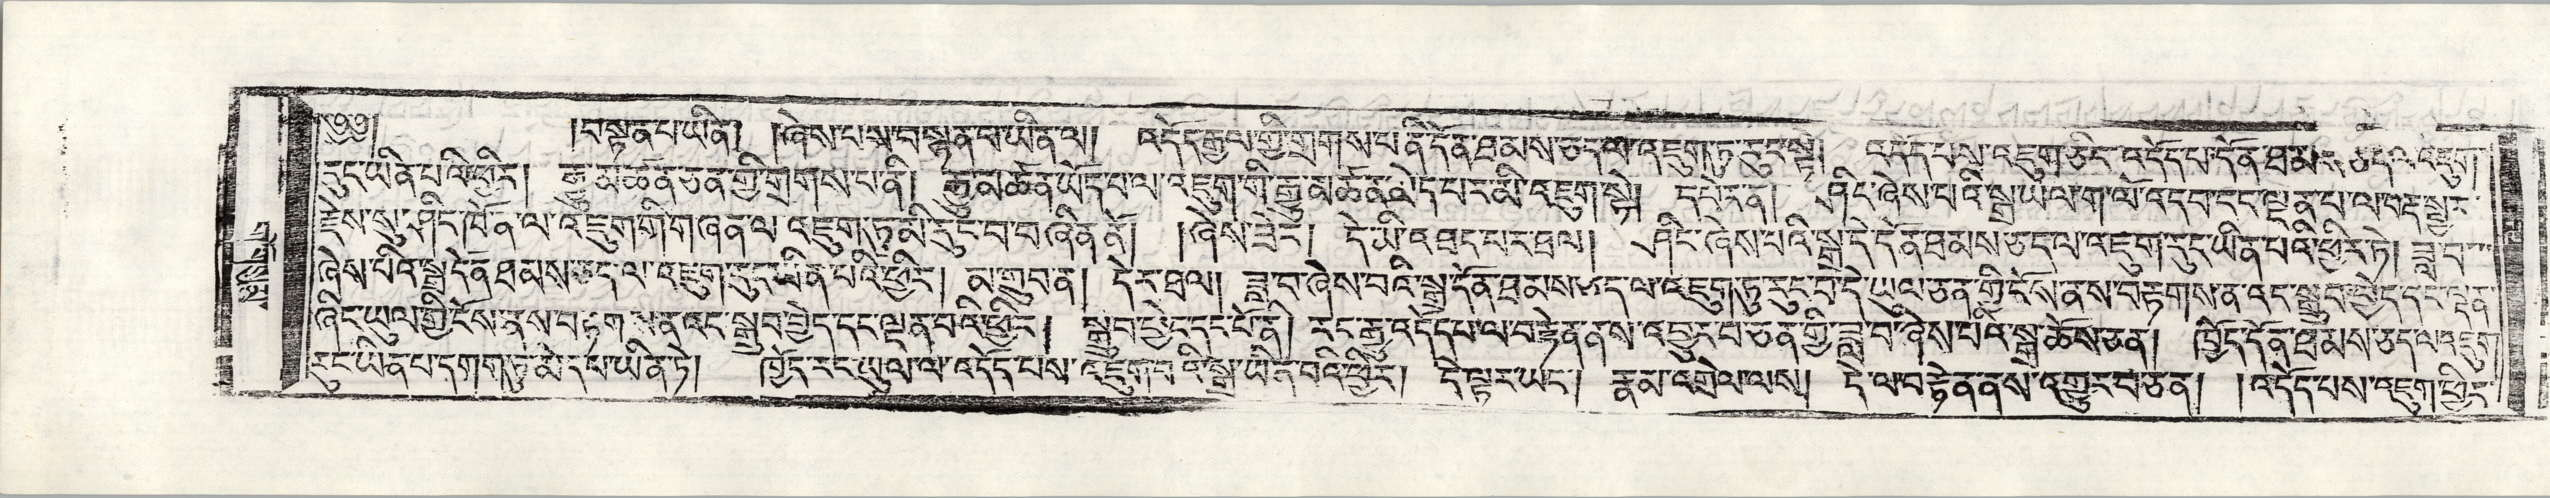༄༅། །བསྟན་པ་ཡིན། །ཞེས་པས་བསྟན་པ་ཡིན་ལ། འདོད་རྒྱལ་གྱི་གྲགས་པ་ནི་དོན་ཐམས་ཅད་ལ་འཇུག་ཏུ་རུང་སྟེ། འདོད་པས་འཇུག་ཅིང་འདོད་པ་དོན་ཐམས་ཅད་ལ་འཇུག་
རུང་ཡིན་པའི་ཕྱིར། རྒྱུ་མཚན་ཅན་གྱི་གྲགས་པ་ནི། རྒྱུ་མཚན་ཡོད་པ་ལ་འཇུག་གི་རྒྱུ་མཚན་མེད་པར་མི་འཇུག་སྟེ། དཔེར་ན། ཤིང་ཞེས་པའི་སྒྲ་ཡལ་ག་ལོ་འདབ་དང་ལྡན་པ་ལ་བརྡ་སྦྱར་
རྗེས་སུ་ཤིང་ཁོ་ན་ལ་འཇུག་གི་གཞན་ལ་འཇུག་ཏུ་མི་རུང་བ་བཞིན་ནོ། །ཞེས་ཟེར། དེ་མི་འཐད་པར་ཐལ། ཤིང་ཞེས་པའི་སྒྲ་དེ་དོན་ཐམས་ཅད་ལ་འཇུག་རུང་ཡིན་པའི་ཕྱིར་ཏེ། ཟླ་བ་
ཞེས་པའི་སྒྲ་དོན་ཐམས་ཅད་ལ་འཇུག་རུང་ཡིན་པའི་ཕྱིར། མ་གྲུབ་ན། དེར་ཐལ། ཟླ་བ་ཞེས་པའི་སྒྲ་དོན་ཐམས་ཅད་ལ་འཇུག་ཏུ་རུང་བ་དེ་ཡུལ་ཅན་གྱི་ངོས་ནས་བརྟགས་ནའང་སྒྲུབ་བྱེད་དང་ལྡན་
ཞིང་ཡུལ་གྱི་ངོས་ནས་བརྟགས་ནའང་སྒྲུབ་བྱེད་དང་ལྡན་པའི་ཕྱིར། སྒྲུབ་བྱེད་དང་པོ་ནི། རང་རྒྱུ་འདོད་པ་ལ་བརྟེན་ནས་འབྱུང་བ་ཅན་གྱི་ཟླ་བ་ཞེས་པའི་སྒྲ་ཆོས་ཅན། ཁྱོད་དོན་ཐམས་ཅད་ལ་འཇུག་
རུང་ཡིན་པ་དགག་ཏུ་མེད་པ་ཡིན་ཏེ། ཁྱོད་རང་ཡུལ་ལ་འདོད་པས་འཇུག་པའི་སྒྲ་ཡིན་པའི་ཕྱིར། དེ་ལྟར་ཡང་། རྣམ་འགྲེལ་ལས། དེ་ལ་བརྟེན་ནས་འགྱུར་བ་ཅན། །འདོད་པས་འཇུག་ཕྱིར་